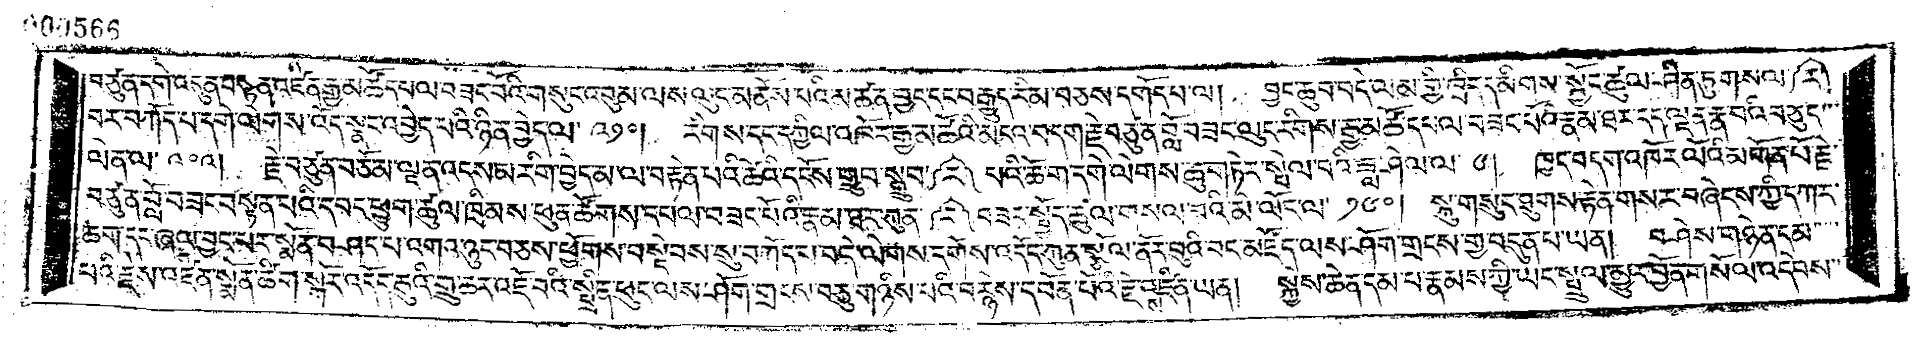བཙུན་དགེ་འདུན་བསྟན་འཛིན་རྒྱ་མཚོ་དཔལ་བཟང་བོའི་གསུང་འབུམ་ལས་ལུང་མནོས་པའི་མཚན་བྱང་དང་བརྒྱུད་རིམ་བཅས་དགོད་པ་ལ། བྱང་ཆུབ་བདེ་ལམ་གྱི་ཁྲིད་དམིགས་སྐྱོང་ཚུལ་ཤིན་ཏུ་གསལ ༼ར༽
བར་བཀོད་པ་དགེ་ལེགས་འོད་སྣང་འབྱེད་པའི་ཉིན་བྱེད་ལ ༢༡༠། རིགས་དང་དཀྱིལ་འཁོར་རྒྱ་མཚོའི་མངའ་བདག་རྗེ་བཙུན་བློ་བཟང་ལུང་རིགས་རྒྱ་མཚོ་དཔལ་བཟང་པོའི་རྣམ་ཐར་དད་ལྡན་རྣ་བའི་བཅུད་
ལེན་ལ ༢༠༢། རྗེ་བཙུན་བཅོམ་ལྡན་འདས་མ་རིག་བྱེད་མ་ལ་བརྟེན་པའི་ཚེའི་དངོས་གྲུབ་སྒྲུབ ༼ར༽ པའི་ཆོ་ག་དགེ་ལེགས་ཆུ་གཏེར་སྤེལ་བའི་ཟླ་ཤེལ་ལ ༦། ཁྱད་བདག་འཁོར་ལོའི་མགོན་པོ་རྗེ་
བཙུན་བློ་བཟང་བསྟན་པའི་དབང་ཕྱུག་ཚུལ་ཁྲིམས་ཕུན་ཚོགས་དཔལ་བཟང་པོའི་རྣམ་ཐར་ཀུན ༼ར༽ བཟང་སྤྱོད་ཚུལ་གསལ་བའི་མེ་ལོང་ལ ༡༦༠། སྐུ་གསུང་ཐུགས་རྟེན་གསར་བཞེངས་ཀྱི་དཀར་
ཆག་དང་ཞལ་བྱང་པར་སྨོན་བཤད་པ་འགའ་ཉུང་བཅས་ཕྱོགས་བསྡེབས་སུ་བཀོད་པ་བདེ་ལེགས་དགོས་འདོད་ཀུན་སྩོལ་ནོར་བུའི་བང་མཛོད་ལས་ཤོག་གྲངས་གྱ་བདུན་པ་ཡན། བཤེས་གཉེན་དམ་
པའི་རྗེས་འཛིན་སྨོན་ཚིག་སྒོར་འདོད་རྒུའི་གྲུ་ཆར་འཇོ་བའི་སྤྲིན་ཕུང་ལས་ཤོག་གྲངས་བཅུ་གཉིས་པའི་བརྙེས་དབོན་པོའི་རྗེས་འཛིན་ཡན། སྐྱེས་ཆེན་དམ་པ་རྣམས་ཀྱི་ཡང་སྤྲུལ་མྱུར་བྱོན་གསོལ་འདེབས་